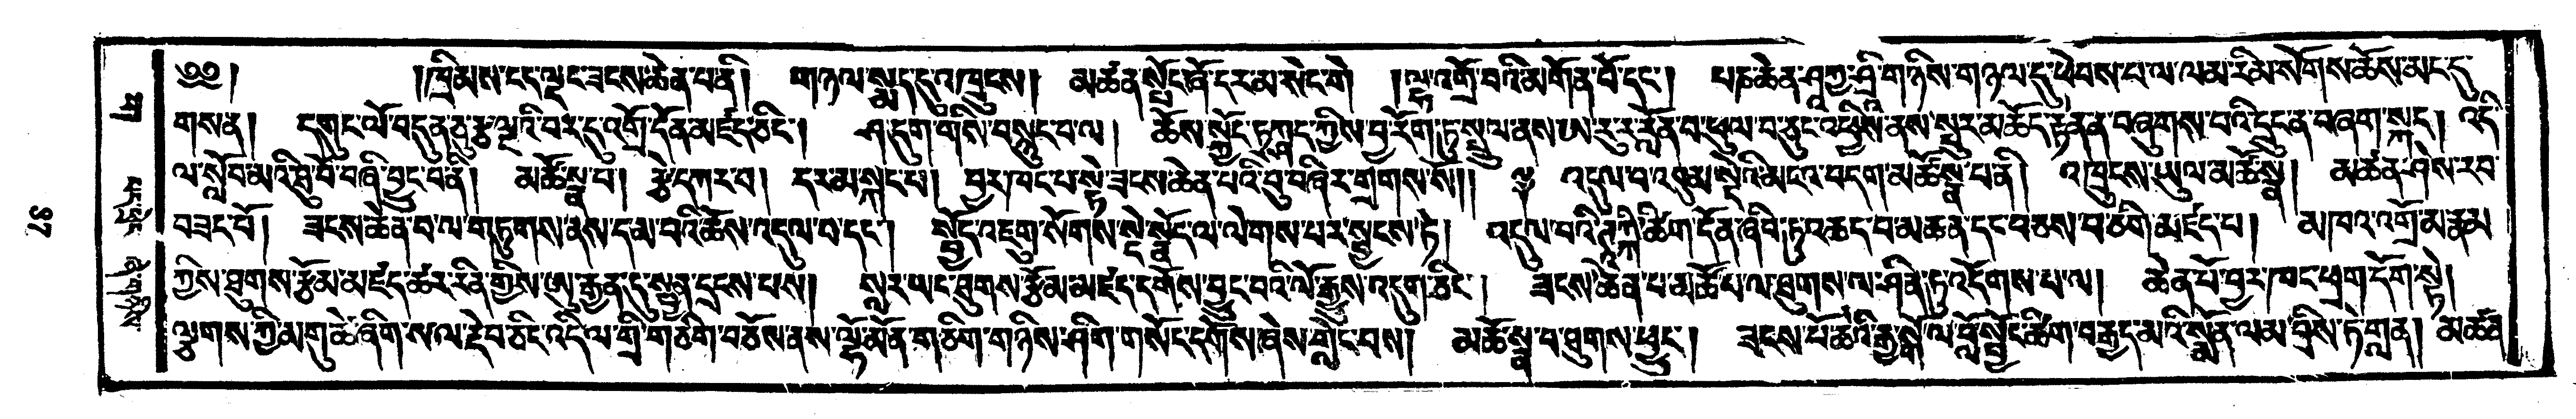༄༅། །ཁྲིམས་ངད་ལྡང་ཟངས་ཆེན་པ་ནི། གཉལ་སྨད་དུ་འཁྲུངས། མཚན་སྤོང་ཞོ་དར་མ་སེང་གེ །ལྷ་འགྲོ་བའི་མགོན་པོ་དང་། པཎ་ཆེན་ཤཱཀྱ་ཤྲཱི་གཉིས་གཉལ་དུ་ཕེབས་པ་ལ་ལམ་རིམ་སོགས་ཆོས་མང་དུ་
གསན། དགུང་ལོ་བདུན་ཅུ་རྩ་ལྔའི་བར་དུ་འགྲོ་དོན་མཛད་ཅིང་། ཤ་དུག་གིས་བསྙུང་བ་ལ། ཆོས་སྐྱོང་ཏྲཀ་ཤད་ཀྱིས་བྱ་རོག་ཏུ་སྤྲུལ་ནས་ཨ་རུ་ར་རློན་བ་ཕུལ་བ་ཅུང་འཕྱིས་ནས་སྤུར་མཆོད་རྟན་ན་བཞུགས་པའི་དྲུང་ན་བཞག་སྐད། འདི་
ལ་སློབ་མའི་ཐུ་བོ་བཞི་བྱུང་བ་ནི། མཚོ་སྣ་བ། རྩེ་དཀར་བ། དར་མ་སྐང་པ། བྱར་ཁང་པ་སྟེ་ཟངས་ཆེན་པོའི་བུ་བཞིར་གྲགས་སོ།། ༈ འདུལ་བ་འབུམ་སྡེའི་མངའ་བདག་མཚོ་སྣ་བ་ནི། འཁྲུངས་ཡུལ་མཚོ་སྣ། མཚན་ཤེས་རབ་
བཟང་པོ། ཟངས་ཆེན་བ་ལ་གཏུགས་ནས་དམ་བའི་ཆོས་འདུལ་བ་དང་། སྤྱོད་འཇུག་སོགས་སྡེ་སྣོད་ལ་ལེགས་པར་སྦྱངས་ཏེ། འདུལ་བའི་ཊཱཀྐི་ཚིག་དོན་ཞིབ་ཏུ་འཆད་པ་མཆན་དང་བཅས་པ་ཅིག་མཛད་པ། མཁའ་འགྲོ་མ་རྣམ་
ཀྱིས་ཐུགས་རྩོམ་མཛད་ཚར་རིན་གྱིས་ཨུ་རྒྱན་དུ་སྤྱན་དྲངས་བས། སླར་ཡང་ཐུགས་རྩོམ་མཛད་དགོས་བྱུང་བའི་ལོ་རྒྱུས་འདུག་ཅིང་། ཟངས་ཆེན་པ་མཚོ་པ་ལ་ཐུགས་ལ་ཤིན་ཏུ་འདོགས་པ་ལ། ཆེན་པོ་བྱར་ཁང་ཕྲག་དོག་སྟེ།
ལྕགས་ཀྱི་མགུ་ཚེ་ཞིག་ས་ལ་རྡེབ་ཅིང་འདི་ལ་གྲི་གཅིག་བཅོས་ནས་ལྷོ་མོན་གཅིག་གཉིས་ཤིག་གསོང་དགོས་ཞེས་གླེང་བས། མཆོད་སྣ་བ་ཐུགས་ཕྱུང་། ཟངས་པོ་ཆེའི་རྒྱ་སྒོ་ལ་བློ་སྦྱོང་ཚིག་བརྒྱད་མའི་སྨོན་ལམ་བྲིས་ཏེ་གླན། མཚན་